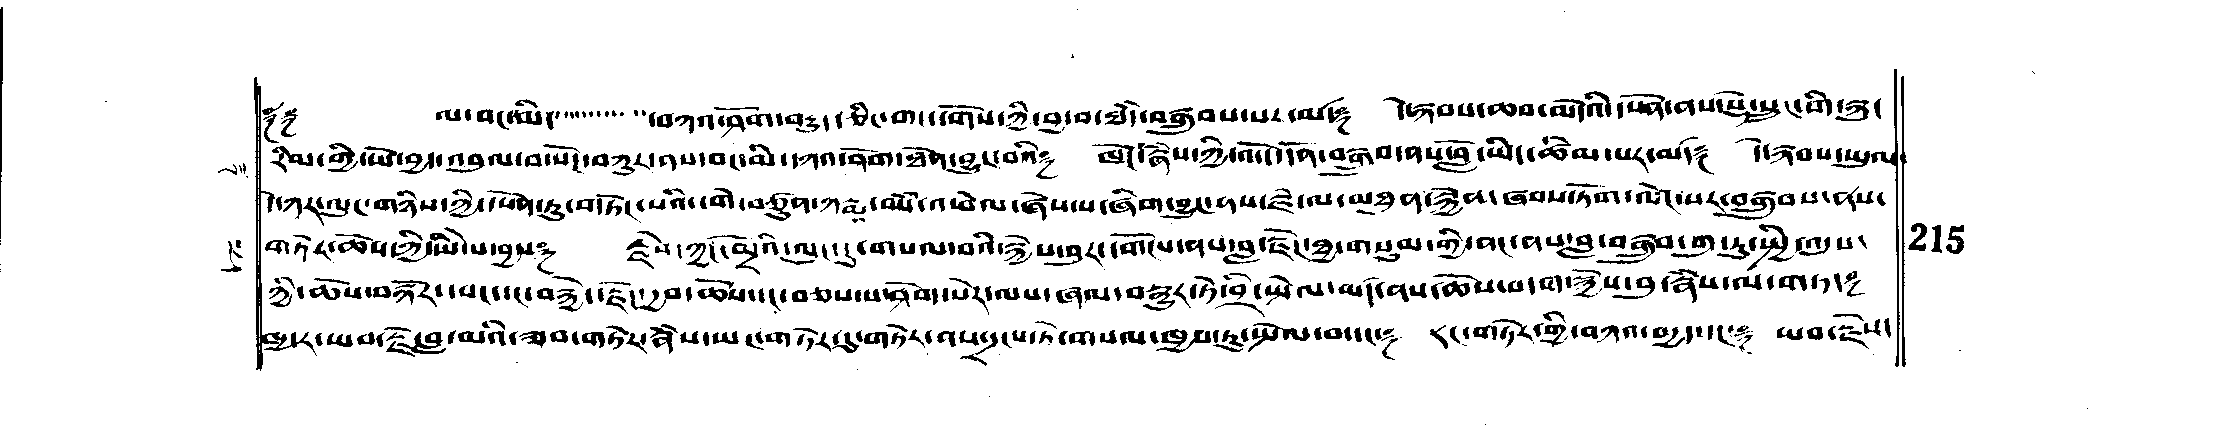ལ་བང་མི་བཀའ་ཤོག་བརྒྱུད་ཅིང་གང་དགོས་ཀྱི་བྱ་བ་ཐམས་ཅད་བསྒྲུབས་པར་མཛད། དེ་སྐབས་ཆབ་མདོའི་དཔོན་ནས་སྡེ་སྲུང་གི་སྐུ་
རིམ་གྱི་ཡོ་བྱད་འབུལ་བ་སོགས་བཀུར་ནས་བང་མི་དཀའ་ཤོག་ཐོན་བྱུང་བའི། ཁོང་རྣམས་ཀྱི་འདོད་དོན་བསྒྲུབ་ནས་བློ་ཡིད་ཚིམ་པར་མཛད། དེ་སྐབས་ཡུལ་
དེ་ཀར་ལུགས་གཉིས་ཀྱི་དཔོན་དུ་གཏོགས་པའི་དགེ་བཙུན་ཀརྨཱ་བསམ་འཕེལ་ཞེས་པ་ཞིག་བྱུང་ནས་རྗེ་ལ་མཐུན་རྐྱེན་ཞབས་ཏོག་ལེགས་པར་བསྒྲུབས་ནས་
གཏེར་ཆོས་ཀྱི་ཡི་གེ་པ་བྱས། རྗེས་ཀྱང་མཁའ་འགྲོའི་ལུང་དུ་གསལ་བའི་སྐྱེས་བུར་དགོངས་ནས་བླ་རྫོགས་ཐུགས་གསུམ་གྱི་ནང་ནས་བླ་སྒྲུབ་གུ་རུ་སྤྱི་འདུས་
ཀྱི་ཆོས་སྐོར་དབང་དང་བསྐྱེད་རྫོགས་རྒྱབ་ཆོས་དང་བཅས་པ་ཤོག་སེར་ལས་ཞལ་བསྒྱུར་ཏེ་བྲི་སྤེལ་མཛད་ནས་ཆོས་བདག་སྐྱེས་བུ་རྣམས་ལ་གཏད། 
ཁྱད་པར་ཡབ་རྗེ་བླ་མའི་ཟབ་གཏེར་རྣམས་ཡང་གཏེར་དུ་གཏེར་ནས་དྲངས་ཏེ་གསལ་ཁྱབ་ཏུ་སྤེལ་བ་དང་། རང་གཏེར་གྱི་བཀའ་བརྒྱད་དང་། ཡབ་རྗེས་